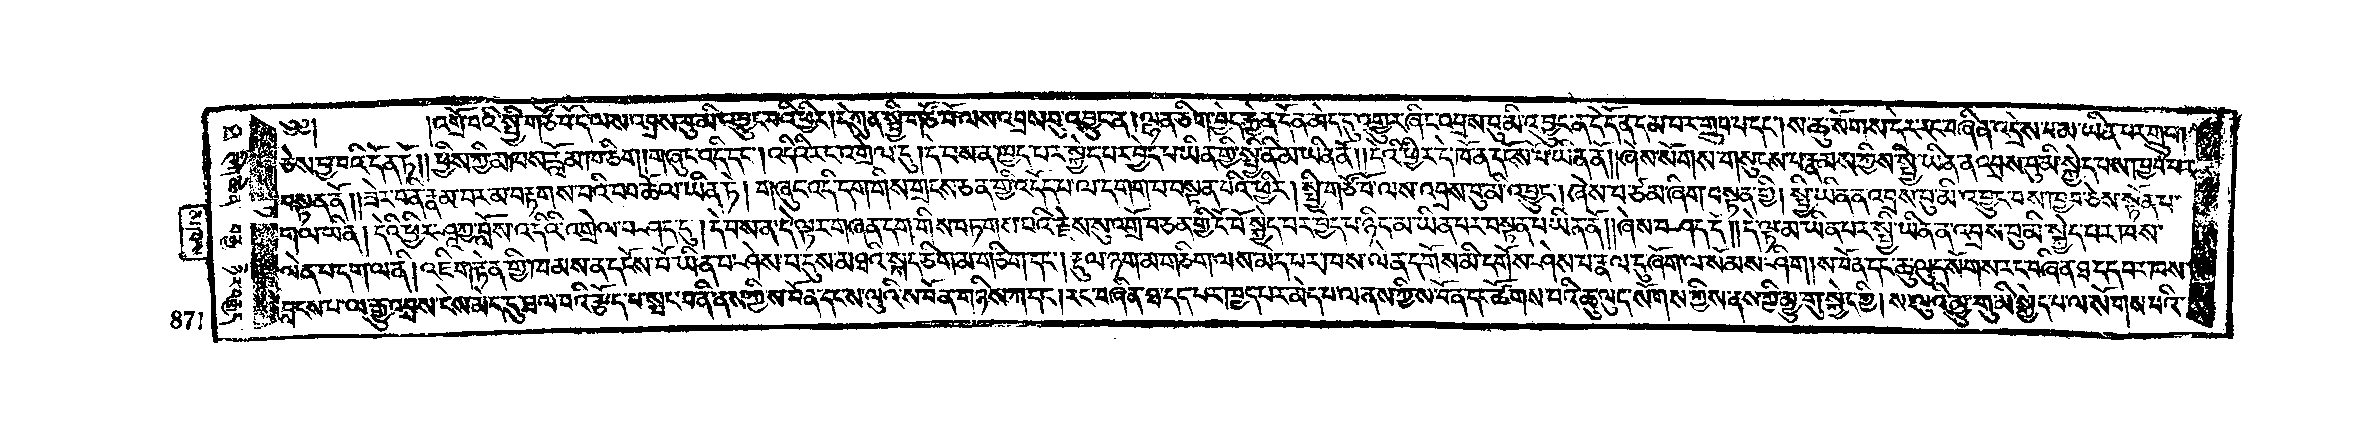༄༅། །འགྲོ་བའི་སྤྱི་གཙོ་བོ་དེ་ལས་འབྲས་བུ་མི་འབྱུང་བའི་ཕྱིར། དེ་ཀུན་སྤྱི་གཙོ་བོ་ལས་འབྲས་བུ་འབྱུང་ན། ལྷན་ཅིག་བྱེད་རྐྱེན་དོན་མེད་དུ་འགྱུར་ཞིང་འབྲས་བུ་མི་འབྱུང་ན་དེ་དོན་དམ་པར་གྲུབ་པ་དང་། ས་ཆུ་སོགས་དེར་རང་བཞིན་འདྲེས་པ་མ་ཡིན་པར་གྲུབ།
ཅེས་བྱ་བའི་དོན་ཏོ། །ཕྱིས་ཀྱི་མཁས་རློམ་ཁ་ཅིག །གཞུང་འདི་དང་། འདིའི་རང་འགྲེལ་དུ། དེ་བས་ན་ཁྱད་པར་སྐྱེད་པར་བྱེད་པ་ཡིན་གྱི་སྤྱི་ནི་མ་ཡིན་ནོ། །དེའི་ཕྱིར་དེ་ཁོ་ན་དངོས་པོ་ཡིན་ནོ། །ཞེས་སོགས་གསུངས་པ་རྣམས་ཀྱིས་སྤྱི་ཡིན་ན་འབྲས་བུ་མི་སྐྱེད་པས་ཁྱབ་པར་
བསྟན་ནོ། །ཟེར་བ་ནི་རྣམ་པར་མ་བརྟགས་པའི་བབ་ཆོལ་ཡིན་ཏེ། གཞུང་འདི་དག་གིས་གྲངས་ཅན་གྱི་འདོད་པ་ལ་དགག་པ་བསྟན་པའི་ཕྱིར། སྤྱི་གཙོ་བོ་ལས་འབྲས་བུ་མི་འབྱུང་། ཞེས་པ་ཙམ་ཞིག་བསྟན་གྱི། སྤྱི་ཡིན་ན་འབྲས་བུ་མི་འབྱུང་བས་ཁྱབ་ཅེས་སྟོན་པ་
གལ་ཡིན། དེའི་ཕྱིར་ཤའྐྱ་བློས་འདིའི་འགྲེལ་བཤད་དུ། དེ་བས་ན་དེ་ལྟར་གཞན་དག་གིས་བཏགས་པའི་རྗེས་སུ་འགྲོ་བ་ཅན་གྱི་ངོ་བོ་སྐྱེད་པར་བྱེད་པ་ཉིད་མ་ཡིན་པར་བསྟན་པ་ཡིན་ནོ། །ཞེས་བཤད་དོ། །དེ་ལྟ་མ་ཡིན་པར་སྤྱི་ཡིན་ན་འབྲས་བུ་མི་སྐྱེད་པར་ཁས་
ལེན་པ་དག་ལ་ནི། འཇིག་རྟེན་གྱི་ཁམས་ན་དངོས་པོ་ཡིན་པ་ཤེས་པ་དུས་མཐའི་སྐད་ཅིག་མ་གཅིག་དང་། རྡུལ་ཉག་མ་གཅིག་ལས་མེད་པར་ཁས་ལེན་དགོས་མི་དགོས་ཤེས་པ་རྣལ་དུ་ཞོག་ལ་སོམས་ཤིག །ས་བོན་དང་ཆུ་ལུད་སོགས་རང་བཞིན་ཐ་དད་པར་ཁས་བླངས་པ་ལ་རྒྱུ་འབྲས་ངེས་མེད་དུ་ཐལ་བའི་རྩོད་པ་སྤང་བ་ནི་ནས་ཀྱི་ས་བོན་དང་ས་ལུའི་ས་བོན་གཉིས་ཀ་དང་། རང་བཞིན་ཐ་དད་པར་ཁྱད་པར་མེད་པ་ལ་ནས་ཀྱི་ས་བོན་དང་ཚོགས་པའི་ཆུ་ལུད་སོགས་ཀྱིས་ནས་ཀྱི་མྱུ་གུ་སྐྱེད་ཀྱི། ས་ལུའི་མྱུ་གུ་མི་སྐྱེད་པ་ལ་སོགས་པའི་